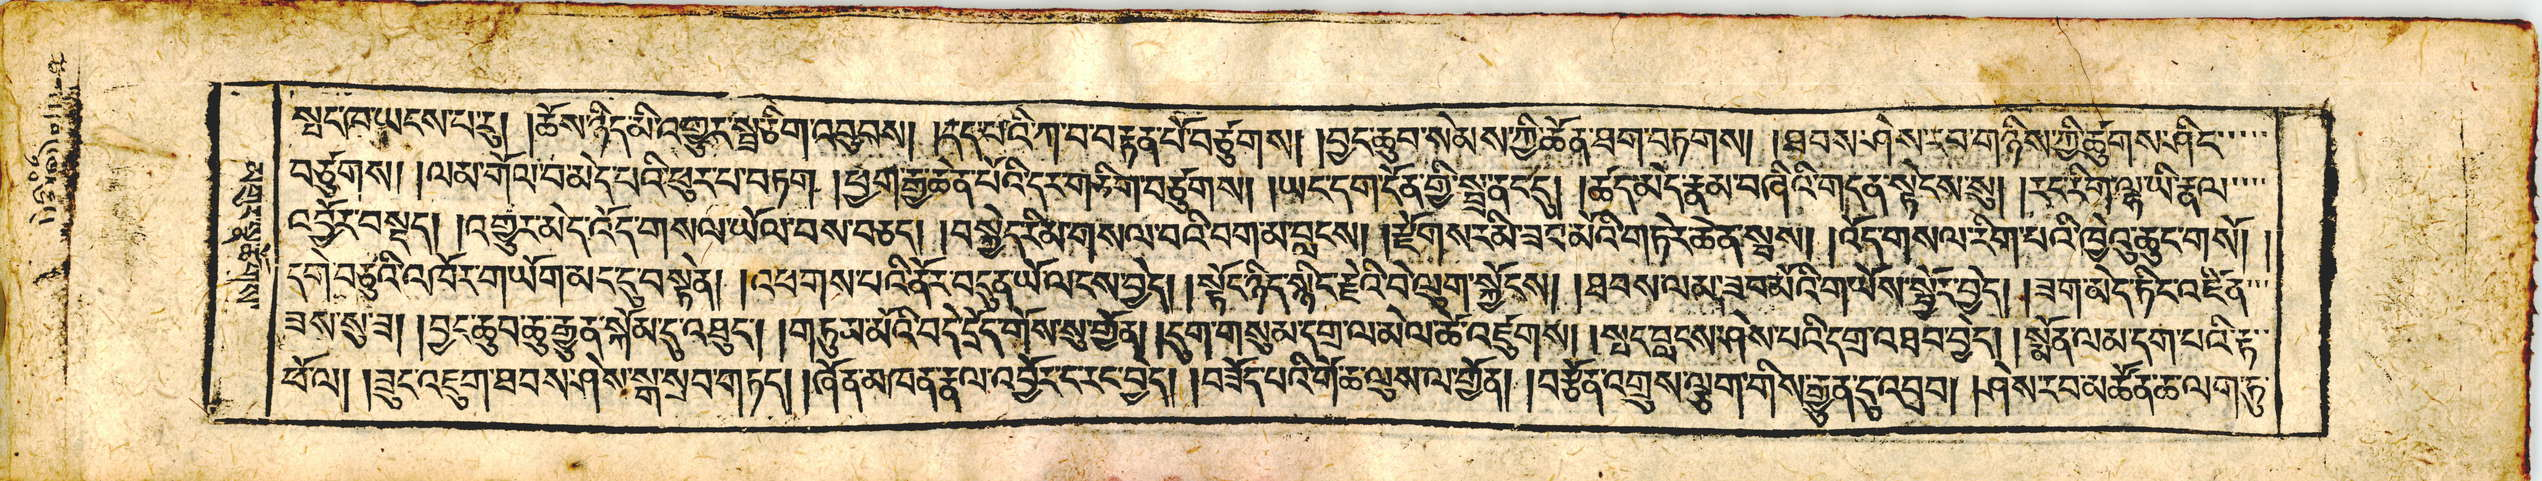སྤང་ཁ་ཡངས་པ་རུ། །ཆོས་ཉིད་མི་འགྱུར་སྦྲ་ཅིག་འབུབས། །དད་པའི་ཀ་བ་བརྟན་པོ་བཙུགས། །བྱང་ཆུབ་སེམས་ཀྱི་ཆོན་ཐག་བཏགས། །ཐབས་ཤེས་རབ་གཉིས་ཀྱི་ཚུགས་ཤིང་
བཙུགས། །ལམ་གོལ་བ་མེད་པའི་ཕུར་པ་བཏག །ཕྱག་རྒྱ་ཆེན་པོའི་དར་གཅིག་བཙུགས། །ཡང་དག་དོན་གྱི་སྦྲ་ནང་དུ། །ཚད་མེད་རྣམ་བཞིའི་གདན་སྟེངས་སུ། །རང་རིག་ལྷ་ཡི་རྣལ་
འབྱོར་བསྡད། །འགྱུར་མེད་འོད་གསལ་ཡོལ་བས་བཅད། །བསྐྱེད་རིམ་གསལ་བའི་བག་མ་བླངས། །རྫོགས་རིམ་བཟའ་མའི་གཏེར་ཆེན་སྦས། །འོད་གསལ་རིག་པའི་ཁྱེའུ་ཆུང་གསོ། །
དགེ་བཅུའི་འཁོར་གཡོག་མང་དུ་བསྟན། །འཕགས་པའི་ནོར་བདུན་ཡོ་ལངས་བྱེད། །སྟོང་ཉིད་སྙིང་རྗེའི་བེ་ལུག་སྐྱོངས། །ཐབས་ལམ་ཟབ་མོའི་གཡོས་སྟོར་བྱེད། །ཟག་མེད་ཏིང་འཛིན་
ཟས་སུ་ཟ། །བྱང་ཆུབ་ཆུ་རྒྱུན་སྐོམ་དུ་འཐུང་། །གཏུམ་མོའི་བདེ་དྲོད་གོས་སུ་གྱོན། །དུག་གསུམ་དགྲ་ལ་མེལ་ཚེ་འཛུགས། །སྤང་བླངས་ཤེས་པའི་དགྲ་འཐབ་བྱེད། །སྨོན་ལམ་དག་པའི་རྟ་
ཕོ་ལ། །ཟུང་འཇུག་ཐབས་ཤེས་སྒ་སྲབ་གཏད། །ཞོན་མཁན་རྣལ་འབྱོར་ང་རང་བྱེད། །བཟོད་པའི་གོ་ཆ་ལུས་ལ་གྱོན། །བརྩོན་འགྲུས་ལྕག་གིས་རྒྱུན་དུ་འབུབ། །ཤེས་རབ་མཚོན་ཆ་ལག་ཏུ་